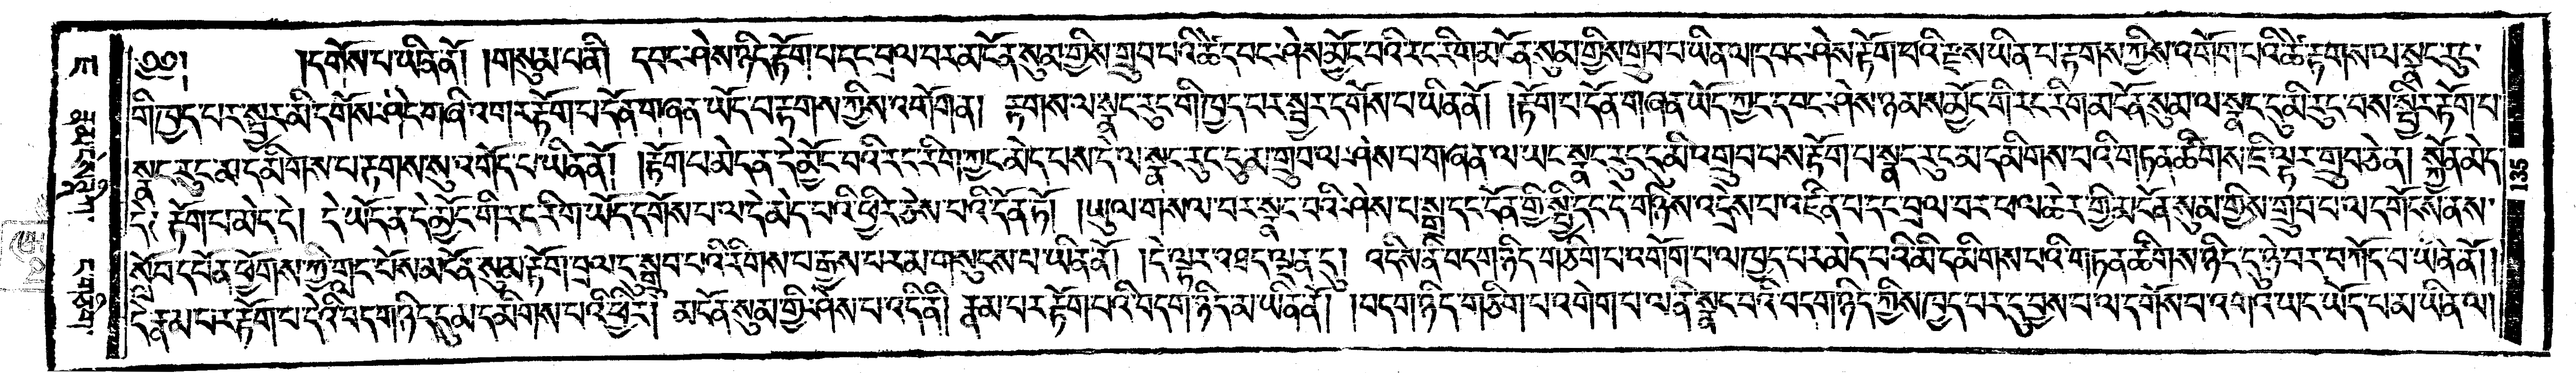༄༅། །དགོས་པ་ཡིན་ནོ། །གསུམ་པ་ནི། དབང་ཤེས་ཉིད་རྟོག་པ་དང་བྲལ་བར་མངོན་སུམ་གྱིས་གྲུབ་པའི་ཚེ་དབང་ཤེས་མྱོང་བའི་རང་རིག་མངོན་སུམ་གྱིས་གྲུབ་པ་ཡིན་ལ། དབང་ཤེས་རྟོག་པའི་རྫས་ཡིན་པ་རྟགས་ཀྱིས་འགོག་པའི་ཚེ་རྟགས་ལ་སྣང་རུང་
གི་ཁྱད་པར་སྦྱར་མི་དགོས་ཤིང་གཞི་འགར་རྟོག་པ་དོན་གཞན་ཡོད་པ་རྟགས་ཀྱིས་འགོག་ན། རྟགས་ལ་སྣང་རུང་གི་ཁྱད་པར་སྦྱར་དགོས་པ་ཡིན་ནོ། །རྟོག་པ་དོན་གཞན་ཡོད་ཀྱང་དབང་ཤེས་ཉམས་མྱོང་གི་རང་རིག་མངོན་སུམ་ལ་སྣང་དུ་མི་རུང་བས་སྤྱིར་རྟོག་པ་
སྣང་རུང་མ་དམིགས་པ་རྟགས་སུ་འགོད་པ་ཡིན་ནོ། །རྟོག་པ་མེད་ན་དེ་མྱོང་བའི་རང་རིག་ཀྱང་མེད་པས་དེ་ལ་སྣང་རུང་དུ་མ་གྲུབ་ལ་ཤེས་པ་གཞན་ལ་ཡང་སྣང་རུང་དུ་མི་འགྲུབ་པས་རྟོག་པ་སྣང་རུང་མ་དམིགས་པའི་གཏན་ཚིགས་ཇི་ལྟར་གྲུབ་ཅེ་ན། སྐྱོན་མེད་
དེ། རྟོག་པ་མེད་དེ། དེ་ཡོད་ན་དེ་མྱོང་གི་རང་རིག་ཡོད་དགོས་པ་ལ་དེ་མེད་པའི་ཕྱིར་ཅེས་པའི་དོན་ཏོ། །ཡུལ་གསལ་བར་སྣང་བའི་ཤེས་པ་སྒྲ་དང་དོན་གྱི་སྤྱི་དང་དེ་གཉིས་འདྲེས་པ་འཛིན་པ་དང་བྲལ་བར་ཕལ་ཆེར་གྱི་མངོན་སུམ་གྱིས་གྲུབ་པ་ལ་དགོངས་ནས་
སློབ་དཔོན་ཕྱོགས་ཀྱི་གླང་པོས་མངོན་སུམ་རྟོག་བྲལ་དུ་སྒྲུབ་པའི་རིགས་པ་རྒྱས་པར་མ་གསུངས་པ་ཡིན་ནོ། །དེ་ལྟར་འཐད་ལྡན་དུ། འདིས་ནི་བདག་ཉིད་གཅིག་པ་འགོག་པ་ལ་ཁྱད་པར་མེད་པའི་མི་དམིགས་པའི་གཏན་ཚིགས་ཉིད་དུ་ཉེ་བར་བཀོད་པ་ཡིན་ནོ།།
དེ་རྣམ་པར་རྟོག་པ་དེའི་བདག་ཉིད་དུ་མ་དམིགས་པའི་ཕྱིར། མངོན་སུམ་གྱི་ཤེས་པ་འདི་ནི། རྣམ་པར་རྟོག་པའི་བདག་ཉིད་མ་ཡིན་ནོ། །བདག་ཉིད་གཅིག་པ་འགེག་པ་ལ་ནི་སྣང་བའི་བདག་ཉིད་ཀྱིས་ཁྱད་པར་དུ་བྱས་པ་ལ་དགོས་པ་འགའ་ཡང་ཡོད་པ་མ་ཡིན་ལ།